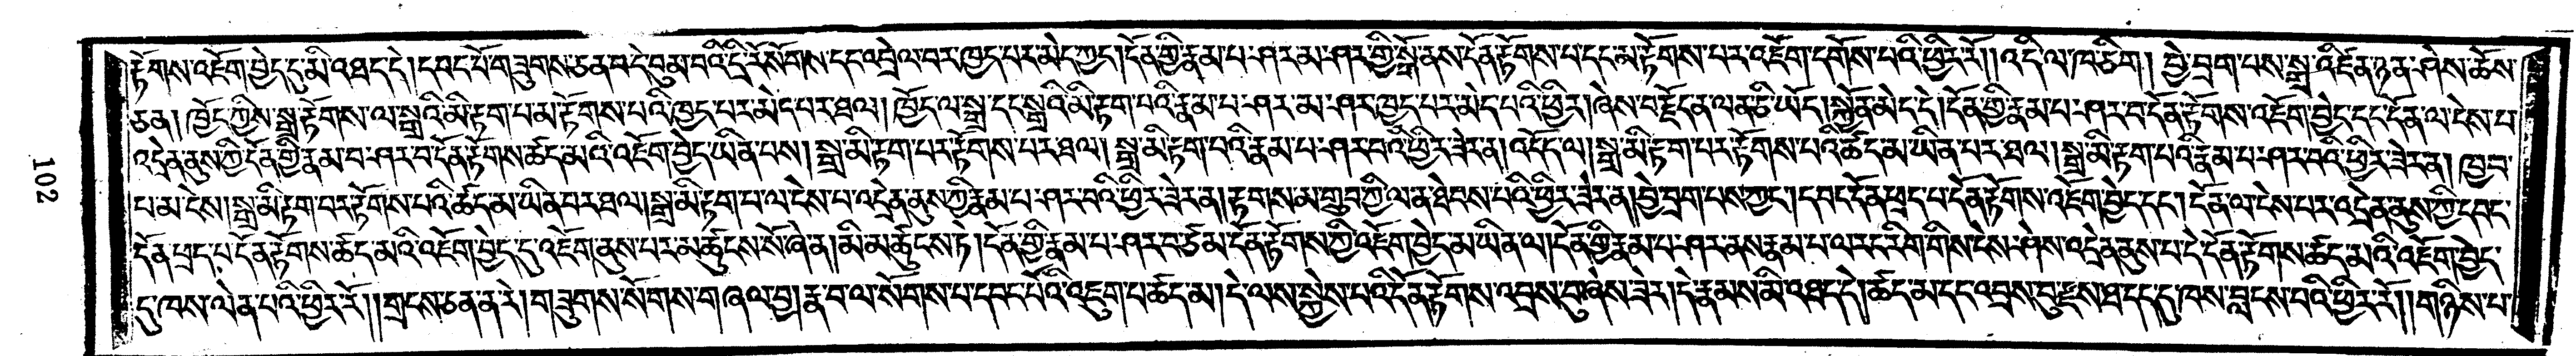རྟོགས་འཇོག་བྱེད་དུ་མི་འཐད་དེ། དབང་པོ་གཟུགས་ཅན་པ་དེ་བུམ་པའི་དྲི་རོ་སོགས་དང་འབྲེལ་པར་ཁྱད་པར་མེད་ཀྱང་། དོན་གྱི་རྣམ་པ་ཤར་མ་ཤར་གྱི་སྒོ་ནས་དོན་རྟོགས་པ་དང་མ་རྟོགས་པར་འཇོག་དགོས་པའི་ཕྱིར་རོ། །འདི་ལ་ཁ་ཅིག །བྱེ་བྲག་པས་སྒྲ་འཛིན་ཉན་ཤེས་ཆོས་
ཅན། ཁྱོད་ཀྱིས་སྒྲ་རྟོགས་ལ་སྒྲའི་མི་རྟག་པ་མ་རྟོགས་པའི་ཁྱད་པར་མེད་པར་ཐལ། ཁྱོད་ལ་སྒྲ་དང་སྒྲའི་མི་རྟག་པའི་རྣམ་པ་ཤར་མ་ཤར་ཁྱད་པར་མེད་པའི་ཕྱིར། ཞེས་བརྗོད་ན་ལན་ཅི་ཡོད། སྐྱོན་མེད་དེ། དོན་གྱི་རྣམ་པ་ཤར་བ་དོན་རྟོགས་འཇོག་བྱེད་དང་དོན་ལ་ངེས་པ་
འདྲེན་ནུས་ཀྱི་དོན་གྱི་རྣམ་པ་ཤར་བ་དོན་རྟོགས་ཚད་མའི་འཇོག་བྱེད་ཡིན་པས། སྒྲ་མི་རྟག་པར་རྟོགས་པར་ཐལ། སྒྲ་མི་རྟག་པའི་རྣམ་པ་ཤར་བའི་ཕྱིར་ཟེར་ན། འདོད་ལ། སྒྲ་མི་རྟག་པར་རྟོགས་པའི་ཚད་མ་ཡིན་པར་ཐལ། སྒྲ་མི་རྟག་པའི་རྣམ་པ་ཤར་བའི་ཕྱིར་ཟེར་ན། ཁྱབ་
པ་མ་ངེས། སྒྲ་མི་རྟག་པར་རྟོགས་པའི་ཚད་མ་ཡིན་པར་ཐལ། སྒྲ་མི་རྟག་པ་ལ་ངེས་པ་འདྲེན་ནུས་ཀྱི་རྣམ་པ་ཤར་བའི་ཕྱིར་ཟེར་ན། རྟགས་མ་གྲུབ་ཀྱི་ལན་ཐེབས་པའི་ཕྱིར་ཟེར་ན། བྱེ་བྲག་པས་ཀྱང་། དབང་དོན་ཕྲད་པ་དོན་རྟོགས་འཇོག་བྱེད་དང་། དོན་ལ་ངེས་པར་འདྲེན་ནུས་ཀྱི་དབང་
དོན་ཕྲད་པ་དོན་རྟོགས་ཚད་མའི་འཇོག་བྱེད་དུ་འཇོག་ནུས་པར་མཚུངས་སོ་ཞེ་ན། མི་མཚུངས་ཏེ། དོན་གྱི་རྣམ་པ་ཤར་བ་ཙམ་དོན་རྟོགས་ཀྱི་འཇོག་བྱེད་མ་ཡིན་ལ། དོན་གྱི་རྣམ་པ་ཤར་ནས་རྣམ་པ་ལ་རང་རིག་གིས་ངེས་ཤེས་འདྲེན་ནུས་པ་དེ་དོན་རྟོགས་ཚད་མའི་འཇོག་བྱེད་
དུ་ཁས་ལེན་པའི་ཕྱིར་རོ། །གྲངས་ཅན་ན་རེ། གཟུགས་སོགས་གཞལ་བྱ། རྣ་བ་ལ་སོགས་པ་དབང་པོའི་འཇུག་པ་ཚད་མ། དེ་ལས་སྐྱེས་པའི་དོན་རྟོགས་འབྲས་བུ་ཞེས་ཟེར། དེ་རྣམས་མི་འཐད་དེ། ཚད་མ་དང་འབྲས་བུ་རྫས་ཐ་དད་དུ་ཁས་བླངས་པའི་ཕྱིར་རོ། །གཉིས་པ་